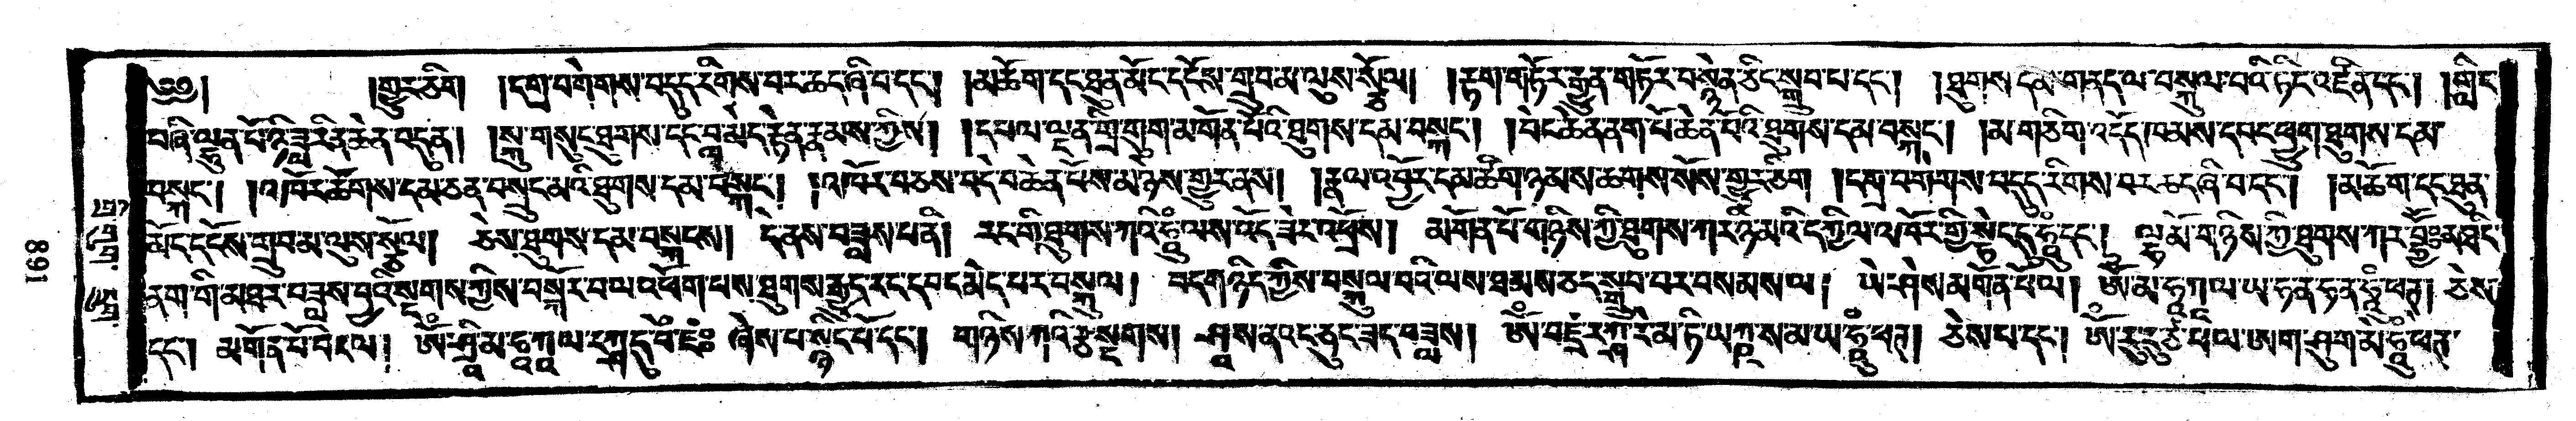༄༅། །གྱུར་ཅིག །དགྲ་བགེགས་བདུད་རིགས་བར་ཆད་ཞི་བ་དང་། །མཆོག་དང་ཐུན་མོང་དངོས་གྲུབ་མ་ལུས་སྩོལ། །རྟག་གཏོར་རྒྱུན་གཏོར་བསྙེན་ཅིང་སྒྲུབ་པ་དང་། །ཐུགས་དམ་གནད་ལ་བསྐུལ་བའི་ཏིང་འཛིན་དང་། །གླིང་
བཞི་ལྷུན་པོ་ཉི་ཟླ་རིན་ཆེན་བདུན། །སྐུ་གསུང་ཐུགས་དང་བླ་མེད་རྟེན་རྣམས་ཀྱིས། །དཔལ་ལྡན་གྲི་གུག་མགོན་པོའི་ཐུགས་དམ་བསྐང་། །བེང་ཆེན་ནག་པོ་ཆེན་པོའི་ཐུགས་དམ་བསྐང་། །མ་གཅིག་འདོད་ཁམས་དབང་ཕྱུག་ཐུགས་དམ་
བསྐང་། །འཁོར་ཆོགས་དམ་ཅན་བསྲུང་མའི་ཐུགས་དམ་བསྐང་། །འཁོར་བཅས་བདེ་བ་ཆེན་པོས་མཉེས་གྱུར་ནས། །རྣལ་འབྱོར་དམ་ཚིག་ཉམས་ཆགས་སོས་གྱུར་ཅིག །དགྲ་བགེགས་བདུད་རིགས་བར་ཆད་ཞི་བ་དང་། །མཆོག་དང་ཐུན་
མོད་དངོས་གྲུབ་མ་ལུས་སྩོལ། ཅེས་ཐུགས་དམ་བསྐངས། དེ་ནས་བཟླས་པ་ནི། རང་གི་ཐུགས་ཀའི་ཧཱུཾ་ལས་འོད་ཟེར་འཕྲོས། མགོན་པོ་གཉིས་ཀྱི་ཐུགས་ཀར་ཉི་མའི་དཀྱིལ་འཁོར་གྱི་སྟེང་དུ་ཧཱུཾ་དང་། ལྷ་མོ་གཉིས་ཀྱི་ཐུགས་ཀར་བྷྱཽཿམཐིང་
ནག་གི་མཐར་བཟླས་བྱའི་སྔགས་ཀྱིས་བསྐོར་བ་ལ་འཕོག་པས་ཐུགས་རྒྱུད་རང་དབང་མེད་པར་བསྐུལ། བདག་ཉིད་ཀྱིས་བསྐུལ་བའི་ལས་ཐམས་ཅད་སྒྲུབ་པར་བསམས་ལ། ཡེ་ཤེས་མགོན་པོ་ལ། ཨོཾ་མ་ཧཱ་ཀཱ་ལ་ཡ་ཧ་ན་ཧ་ན་ཧཱུཾ་ཕཊ། ཅེས་
དང་། མགོན་པོ་བེང་ལ། ཨོཾ་ཤྲཱི་མ་ཧཱ་ཀཱ་ལ་རཀྵ་དུ་བེཾ་ཛཿ ཞེས་པ་སྙིང་པོ་དང་། གཉིས་ཀའི་རྩ་སྔགས། ཤཱ་ས་ནའང་ཅུང་ཟད་བཟླས། ཨོཾ་བཛྲ་རཀྵ་རེ་མ་ཏི་ཡཀྵ་ས་མ་ཡ་ཧཱུཾ་ཕཊ། ཅེས་པ་དང་། ཨོཾ་རུ་རུ་ཙ་ཕལ་ཨག་ཤུག་མེ་ཧཱུཾ་ཕཊ་